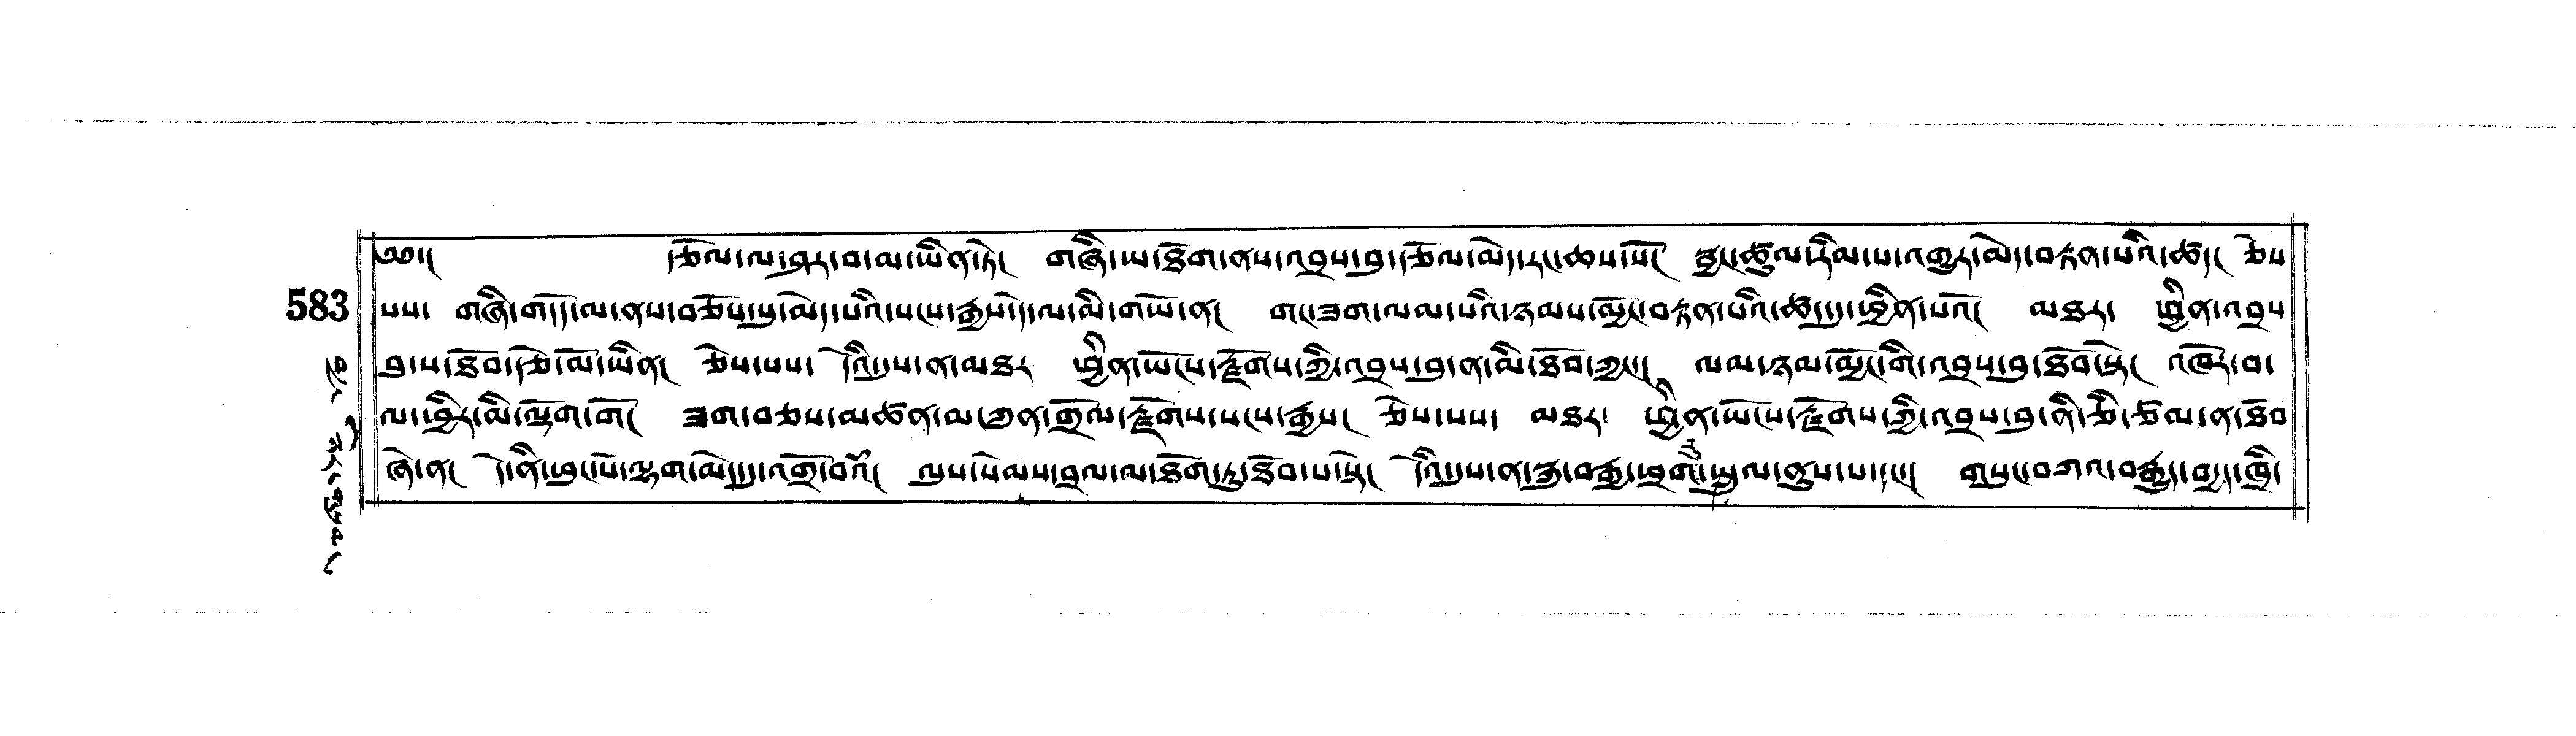རྩོལ་ལ་ཤར་བ་མ་ཡིན་ཏེ། གཞི་ཡ་ཐོག་ནས་འབྲས་བུ་རྩོལ་མེད་རང་ཆས་སོ། སྦྱང་ཚུལ་རིམ་པ་འགྱུར་མེད་བརྟན་པའི་ཚད། ཅེས་
པས། གཞི་གདོད་མ་ནས་བཅོས་སུ་མེད་པའི་སངས་རྒྱས་དེ་ལ་མི་གཡོ་ན། གང་ཟག་ལམ་པའི་ཉམས་མྱོང་བརྟན་པའི་ཚད་དུ་ཕྱིན་པའོ། མཐར་ཕྱིན་འབྲས་
བུ་ས་ཐོབ་རྩེ་མོ་ཡིན། ཅེས་པས། དེའི་དུས་ན་མཐར་ཕྱིན་ཡོངས་རྫོགས་ཀྱི་འབྲས་བུ་ནི་མི་ཐོབ་ཀྱང་། ལམ་ཉམ་མྱོང་གི་འབྲས་བུ་ཐོབ་སྟེ། འཁོར་བ་
ལས་ཕྱིར་མི་ལྡོག་གོ། ཟག་བཅས་མཚན་མ་ཀུན་གྲོལ་རྫོགས་སངས་རྒྱས། ཅེས་པས། མཐར་ཕྱིན་ཡོངས་རྫོགས་ཀྱི་འབྲས་བུ་ནི་ཅི་ཙམ་ན་ཐོབ་
ཞེ་ན། དེ་ནས་ཕུང་པོ་ལྷག་མེད་དུ་འགྲོ་བའམ། ལུས་སེམས་བྲལ་མ་ཐག་ཏུ་ཐོབ་པ་སྟེ། དེའི་དུས་ན་སྐུ་བརྒྱ་ཕྲག་ཏུ་སྤྲུལ་ནུས་པ་དང་། གསུང་བཀའ་བརྒྱུད་བརྒྱད་ཁྲི་